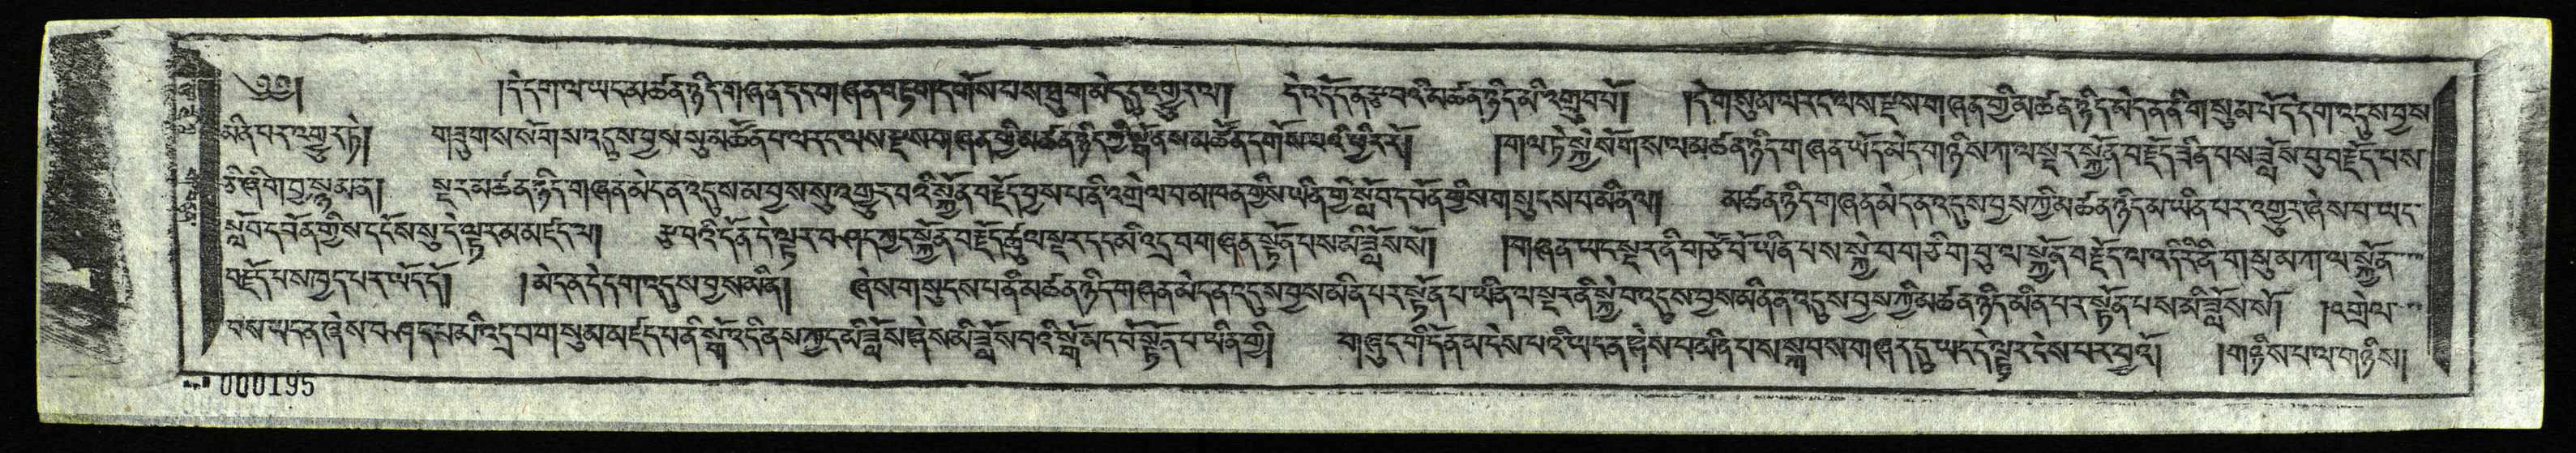༄༅། །དེ་དག་ལ་ཡང་མཚན་ཉིད་གཞན་དང་གཞན་བརྟག་དགོས་པས་ཐུག་མེད་དུ་འགྱུར་ལ། དེ་འདོད་ན་རྩ་བའི་མཚན་ཉིད་མི་འགྲུབ་བོ། །དེ་གསུམ་ལ་རང་ལས་རྫས་གཞན་གྱི་མཚན་ཉིད་མེད་ན་ནི་གསུམ་པོ་དེ་དག་འདུས་བྱས་
མིན་པར་འགྱུར་ཏེ། གཟུགས་སོགས་འདུས་བྱས་སུ་མཚོན་པ་ལ་རང་ལས་རྫས་གཞན་གྱི་མཚན་ཉིད་ཀྱི་སྒོ་ནས་མཚོན་དགོས་པའི་ཕྱིར་རོ། །གལ་ཏེ་སྐྱེ་སོགས་ལ་མཚན་ཉིད་གཞན་ཡོད་མེད་གཉིས་ཀ་ལ་སྔར་སྐྱོན་བརྗོད་ཟིན་པས་ཟློས་བུ་བརྗོད་པས་
ཅི་ཞིག་བྱ་སྙམ་ན། སྔར་མཚན་ཉིད་གཞན་མེད་ན་འདུས་མ་བྱས་སུ་འགྱུར་བའི་སྐྱོན་བརྗོད་བྱས་པ་ནི་འགྲེལ་པ་མཁན་གྱིས་ཡིན་གྱི་སློབ་དཔོན་གྱིས་གསུངས་པ་མིན་ལ། མཚན་ཉིད་གཞན་མེད་ན་འདུས་བྱས་ཀྱི་མཚན་ཉིད་མ་ཡིན་པར་འགྱུར་ཞེས་པ་ཡང་
སློབ་དཔོན་གྱིས་དངོས་སུ་དེ་ལྟར་མ་མཛད་ལ། རྩ་བའི་དོན་དེ་ལྟར་བཤད་ཀྱང་སྐྱོན་བརྗོད་ཚུལ་སྔར་དང་མི་འདྲ་བ་གཞན་སྟོན་པས་མི་ཟློས་སོ། །གཞན་ཡང་སྔར་ནི་གཙོ་བོ་ཡིན་པས་སྐྱེ་བ་གཅིག་བུ་ལ་སྐྱོན་བརྗོད་ལ་འདི་རི་ནི་གསུམ་ཀ་ལ་སྐྱོན་
བརྗོད་པས་ཁྱད་པར་ཡོད་དོ། །མེད་ན་དེ་དག་འདུས་བྱས་མིན། ཞེས་གསུངས་པ་ནི་མཚན་ཉིད་གཞན་མེད་ན་འདུས་བྱས་མིན་པར་སྟོན་པ་ཡིན་ལ་སྔར་ནི་སྐྱེ་བ་འདུས་བྱས་མིན་ན་འདུས་བྱས་ཀྱི་མཚན་ཉིད་མིན་པར་སྟོན་པས་མི་ཟློས་སོ། །འགྲེལ་
པས་ཡང་ན་ཞེས་བཤད་པ་མི་འདྲ་བ་གསུམ་མཛད་པ་ནི་སྒོ་འདི་ནས་ཀྱང་མི་ཟློས་ཞེས་མི་ཟློས་པའི་སྒོ་མང་པོ་སྟོན་པ་ཡིན་གྱི། གཞུང་གི་དོན་མ་ངེས་པའི་ཡང་ན་ཞེས་པ་མིན་པས་སྐབས་གཞན་དུ་ཡང་དེ་ལྟར་ངེས་པར་བྱའོ། །གཉིས་པ་ལ་གཉིས།